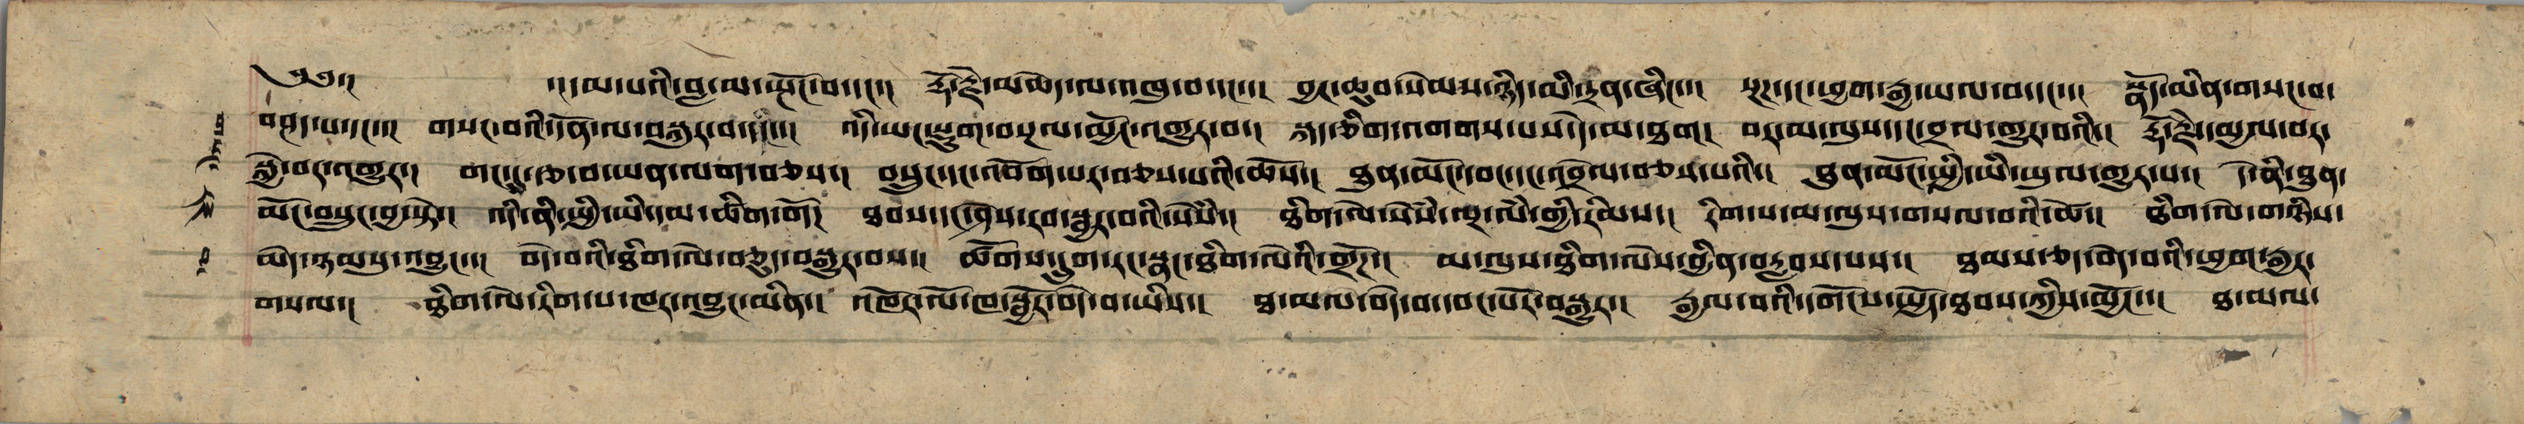༄༅་། ་།དམ་པའི་བླ་མ་སྤོང་བ་དང་་། རྡོ་རྗེ་མཆེད་ལ་འཁུ་བ་དང་་། བྱང་ཆུབ་སེམས་ཉིད་མི་དྲན་ཞིང་་། སྔཌ་དང་ཕྱག་རྒྱ་ཡལ་བ་དང་་། སྣོད་མིན་གསང་བ་
བཤད་པ་དང་་། གསང་བའི་དོན་ལ་བསྐུར་བ་དང་་། འདི་ཡང་སྡུག་བསྔལ་མྱོང་འགྱུར་བ་། སྐད་ཅིག་འགགས་པས་དེ་མ་ཐག། བར་མ་ལུས་དང་བྲལ་གྱུར་བའི་། རྡོ་རྗེ་དམྱལ་བར་
སྐྱེ་བར་འགྱུར་། གང་དུ་རྩ་བ་ཡན་ལག་བཅས་། བསྲུང་དང་འབོག་པར་བཅས་པའི་ཆོས་། ཐུན་མོང་དབང་དང་འབྲེལ་བཅས་པའི་། ཐུན་མོང་སྤྱི་ཡི་ཡུལ་གྱུར་པ་། དེ་ནི་ཐུན་
མོང་བསྲུང་བྱ་སྟེ་། འདི་ནི་སྤྱི་ཡི་དམ་ཚིག་གོ་། ཐབས་དང་ཤེས་རབ་སྦྱང་བའི་སེཾས་། ཐིག་ལེ་སེཾས་ལྔ་ལཾ་གྱི་རིམ་། རིག་པ་མ་ལུས་གསལ་བའི་ཚེ་། ཐིག་ལེ་གཉིས་
མེད་ཉམསུ་འབྱུང་་། བདེ་བའི་ཐིག་ལེ་བཅུད་བསྒྱུར་བས་། ཚོགས་དྲུག་རང་སྣང་ཐིག་ལེའི་གྲོཌ་། མ་ལུས་ཐིག་ལེས་བྱིན་བརླབས་པས་། ཐམས་ཅད་བདེ་བའི་ཕྱག་རྒྱར་
གསལ་། ཐིག་ལེ་རིག་པ་ཁར་འབྱུང་མིན་། འཁོར་ལོ་ཁ་སྦྱོར་བདེ་བ་ཡིས་། ཐ་མལ་བདེ་བ་དབང་པོར་བསྒྱུར་། རྒྱལ་བའི་དགོངས་སྤྱོད་ཐབས་ཀྱིས་མྱོང་་། ཐ་མལ་